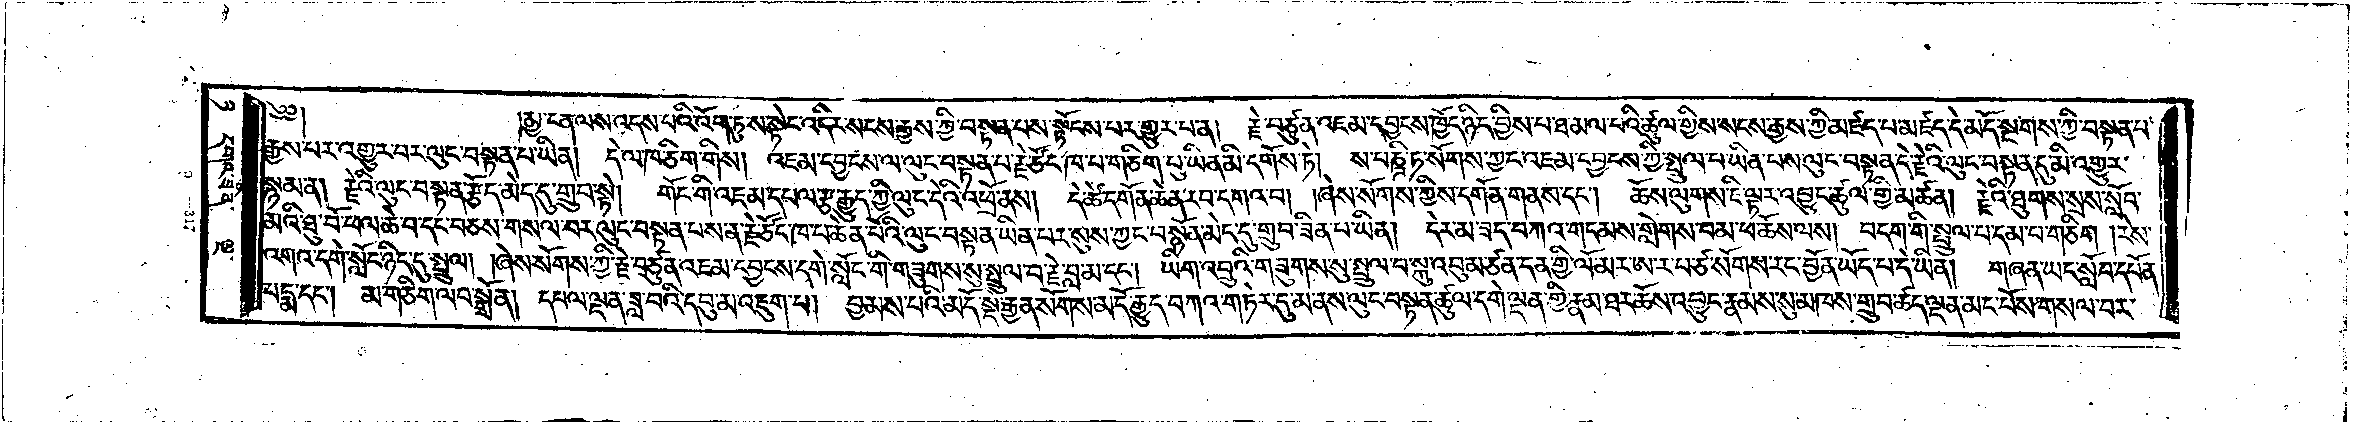༄༅། །མྱང་ངན་ལས་འདས་པའི་འོག་ཏུ་ས་སྟེང་འདིར་སངས་རྒྱས་ཀྱི་བསྟན་པས་སྟོངས་པར་གྱུར་པ་ན། རྗེ་བཙུན་འཇམ་དབྱངས་ཁྱོད་ཉིད་བྱིས་པ་ཐ་མལ་པའི་ཚུལ་གྱིས་སངས་རྒྱས་ཀྱི་མཛད་པ་མཛད་དེ་མདོ་སྔགས་ཀྱི་བསྟན་པ་
རྒྱས་པར་འགྱུར་བར་ལུང་བསྟན་པ་ཡིན། དེ་ལ་ཁ་ཅིག་གིས། འཇམ་དབྱངས་ལ་ལུང་བསྟན་པ་རྗེ་ཙོང་ཁ་པ་གཅིག་པུ་ཡིན་མི་དགོས་ཏེ། ས་པཎྜི་ཏ་སོགས་ཀྱང་འཇམ་དབྱངས་ཀྱི་སྤྲུལ་པ་ཡིན་པས་ལུང་བསྟན་དེ་རྗེའི་ལུང་བསྟན་དུ་མི་འགྱུར་
སྙམ་ན། རྗེའི་ལུང་བསྟན་རྩོད་མེད་དུ་གྲུབ་སྟེ། གོང་གི་འཇམ་དཔལ་རྩ་རྒྱུད་ཀྱི་ལུང་དེའི་འཕྲོ་ནས། དེ་ཚེ་དགོན་ཆེན་རབ་དགའ་བ། །ཞེས་སོགས་ཀྱིས་དགོན་གནས་དང་། ཆོས་ལུགས་ཇི་ལྟར་འབྱུང་ཚུལ་གྱི་མཚན། རྗེའི་ཐུགས་སྲས་སློབ་
མའི་ཐུ་བོ་ཕལ་ཆེ་བ་དང་བཅས་གསལ་བར་ལུང་བསྟན་པས་ན་རྗེ་ཙོང་ཁ་པ་ཆེན་པོའི་ལུང་བསྟན་ཡིན་པར་སུས་ཀྱང་བསྙོན་མེད་དུ་གྲུབ་ཟིན་པ་ཡིན། དེར་མ་ཟད་བཀའ་གདམས་གླེགས་བམ་ཕ་ཆོས་ལས། བདག་གི་སྤྲུལ་པ་དམ་པ་གཅིག །རེས་
འགའ་དགེ་སློང་ཉིད་དུ་སྤྲུལ། །ཞེས་སོགས་ཀྱི་རྗེ་བཙུན་འཇམ་དབྱངས་དགེ་སློང་གི་གཟུགས་སུ་སྤྲུལ་པ་རྗེ་བླ་མ་དང་། ཡིག་འབྲུའི་གཟུགས་སུ་སྤྲུལ་བ་སྐུ་འབུམ་ཙན་དན་གྱི་ལོ་མར་ཨ་ར་པ་ཙ་སོགས་རང་བྱོན་ཡོད་པ་དེ་ཡིན། གཞན་ཡང་སློབ་དཔོན་
པདམ་དང་། མ་གཅིག་ལབ་སྒྲོན། དཔལ་ལྡན་ཟླ་བའི་དབུ་མ་འཇུག་པ། བྱམས་པའི་མདོ་སྡེ་རྒྱན་སོགས་མདོ་རྒྱུད་བཀའ་གཏེར་དུ་མ་ནས་ལུང་བསྟན་ཚུལ་དགེ་ལྡན་གྱི་རྣམ་ཐར་ཆོས་འབྱུང་རྣམས་སུ་མཁས་གྲུབ་ཚད་ལྡན་མང་པོས་གསལ་བར་